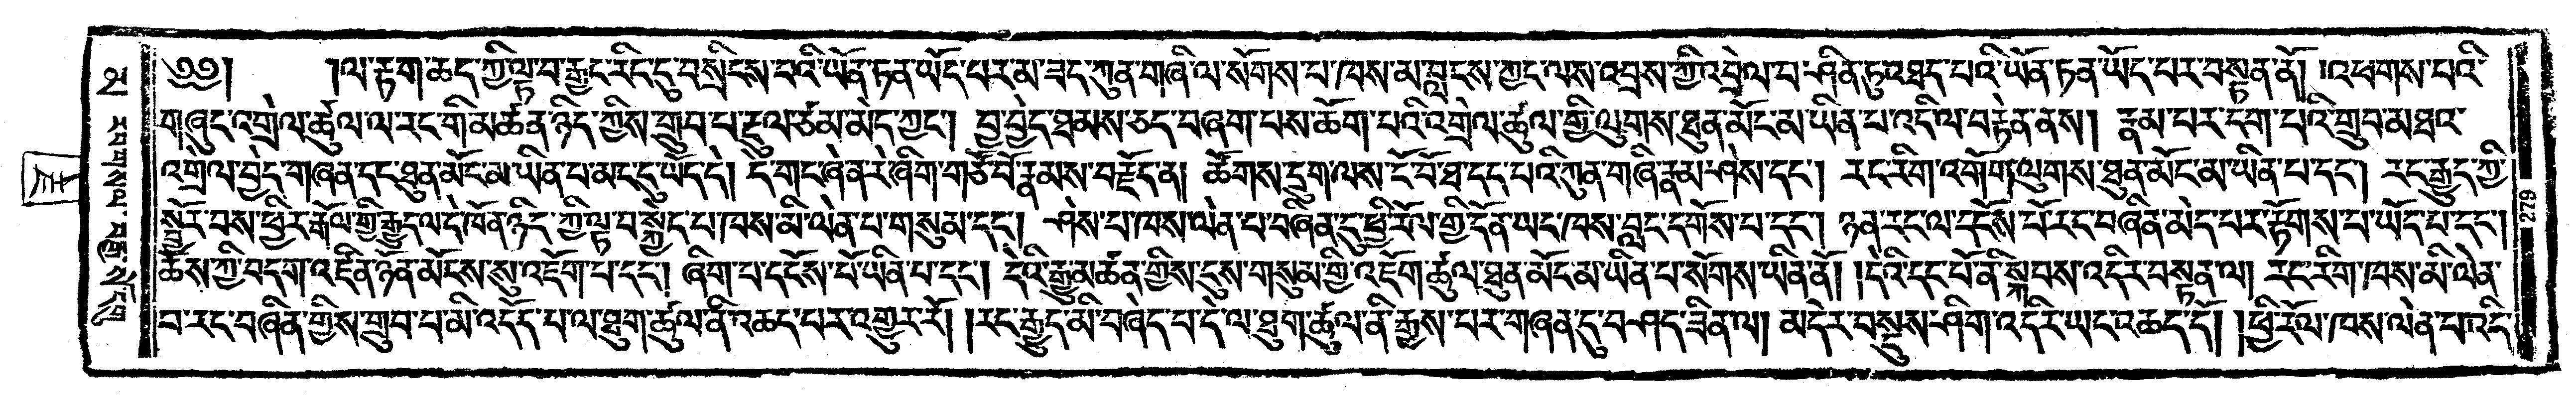ལ་རྟག་ཆད་ཀྱི་ལྟ་བ་རྒྱང་རིང་དུ་བསྲིངས་པའི་ཡོན་ཏན་ཡོད་པར་མ་ཟད་ཀུན་གཞི་ལ་སོགས་པ་ཁས་མ་བླངས་ཀྱང་ལས་འབྲས་ཀྱི་འབྲེལ་བ་ཤིན་ཏུ་འཐད་པའི་ཡོན་ཏན་ཡོད་པར་བསྟན་ནོ། །འཕགས་པའི་
གཞུང་འགྲེལ་ཚུལ་ལ་རང་གི་མཚན་ཉིད་ཀྱིས་གྲུབ་པ་རྡུལ་ཙམ་མེད་ཀྱང་། བྱ་བྱེད་ཐམས་ཅད་བཞག་པས་ཆོག་པའི་འགྲེལ་ཚུལ་གྱི་ལུགས་ཐུན་མོང་མ་ཡིན་པ་འདི་ལ་བརྟེན་ནས། རྣམ་པར་དག་པའི་གྲུབ་མཐའ་
འགྲེལ་བྱེད་གཞན་དང་ཐུན་མོང་མ་ཡིན་པ་མང་དུ་ཡོད་དེ། དེ་གང་ཞེ་ན་རེ་ཞིག་གཙོ་བོ་རྣམས་བརྗོད་ན། ཚོགས་དྲུག་ལས་ངོ་བོ་ཐ་དད་པའི་ཀུན་གཞི་རྣམ་ཤེས་དང་། རང་རིག་འགོག་ལུགས་ཐུན་མོང་མ་ཡིན་པ་དང་། རང་རྒྱུད་ཀྱི་
སྦྱོར་བས་ཕྱིར་རྒོལ་གྱི་རྒྱུད་ལ་དེ་ཁོ་ན་ཉིད་ཀྱི་ལྟ་བ་སྐྱེད་པ་ཁས་མི་ལེན་པ་གསུམ་དང་། ཤེས་པ་ཁས་ལེན་པ་བཞིན་དུ་ཕྱི་རོལ་གྱི་དོན་ཡང་ཁས་བླང་དགོས་པ་དང་། ཉན་རང་ལ་དངོས་པོ་རང་བཞིན་མེད་པར་རྟོགས་པ་ཡོད་པ་དང་།
ཆོས་ཀྱི་བདག་འཛིན་ཉོན་མོངས་སུ་འཇོག་པ་དང་། ཞིག་པ་དངོས་པོ་ཡིན་པ་དང་། དེའི་རྒྱུ་མཚན་གྱིས་དུས་གསུམ་གྱི་འཇོག་ཚུལ་ཐུན་མོང་མ་ཡིན་པ་སོགས་ཡིན་ནོ། །དེའི་དང་པོ་ནི་སྐབས་འདིར་བསྟན་ལ། རང་རིག་ཁས་མི་ལེན་
པ་རང་བཞིན་གྱིས་གྲུབ་པ་མི་འདོད་པ་ལ་ཐུག་ཚུལ་ནི་འཆད་པར་འགྱུར་རོ། །རང་རྒྱུད་མི་བཞེད་པ་དེ་ལ་ཐུག་ཚུལ་ནི་རྒྱས་པར་གཞན་དུ་བཤད་ཟིན་ལ། མདོར་བསྡུས་ཤིག་འདིར་ཡང་འཆད་དོ། །ཕྱི་རོལ་ཁས་ལེན་པ་འདི་